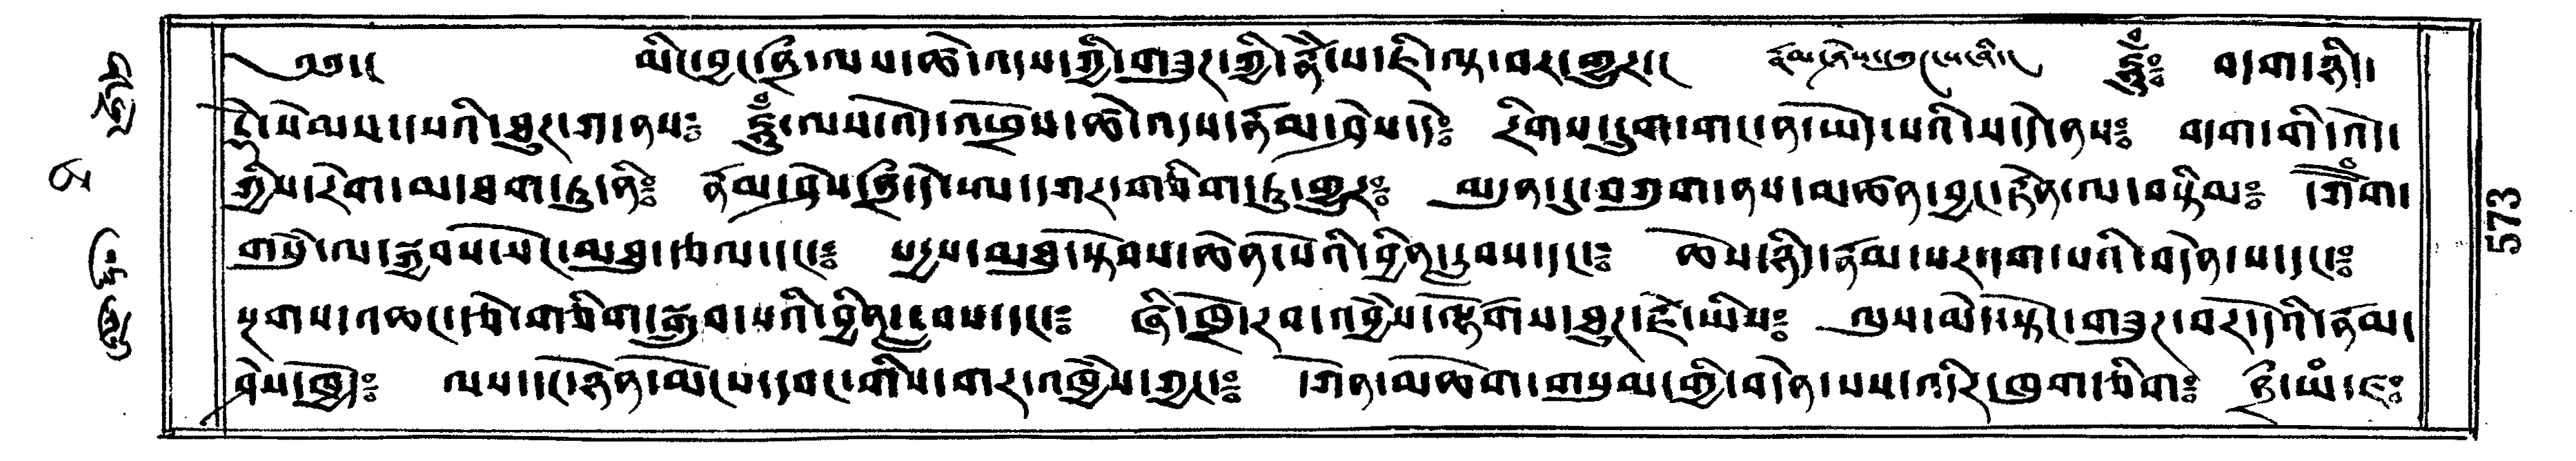མིང་བྱང་ནྲྀ་ལས་ཚེ་འདས་ཀྱི་གཟུགས་ཀྱི་རྣམ་པ་ཇི་ལྟ་བར་གྱུར། རྣམ་ཤེས་འགུགས་པ་ནི། ཧཱུྃ༔ བདག་ཉིད་
རྡོ་རྗེ་སེམས་དཔའི་ཐུགས་ཀ་ནས༔ ཧཱུྃ་ལས་འོད་འཕྲོས་ཚེ་འདས་རྣམ་ཤེས་དེ༔ རིགས་དྲུག་གང་ན་ཡོད་པའི་ས་དེ་ནས༔ བདག་གི་འོད་
ཀྱིས་རེག་མ་ཐག་ཏུ་ནི༔ རྣམ་ཤེས་ནྲྀ་དེ་ཨ་དཀར་གཅིག་ཏུ་གྱུར༔ མདུན་དུ་བཀུག་ནས་མཚན་བྱང་རྟེན་ལ་བསྟིམ༔ དཀོན་མཆོག་
གསུམ་ལ་སྐྱབས་སོང་མཐུ་རྩལ་དང༔སངས་རྒྱས་མཐུ་སྟོབས་ཆེན་པོའི་བྱིན་རླབས་དང༔ ཆོས་ཉིད་རྣམ་པར་དག་པའི་བདེན་པ་དང༔ 
སྔགས་འཆང་རྩེ་གཅིག་བསྒྲུབས་པའི་བྱིན་རླབས་དང༔ ཞི་ཁྲོ་རབ་འབྱམས་ལྷ་ཚོགས་ཐུགས་རྗེ་ཡིས༔ ལུས་མེད་སྟོང་གཟུགས་བར་དོའི་རྣམ་
ཤེས་ཁྱོད༔ ལས་དང་ཉོན་མོངས་དབང་གིས་གར་འཁྱམས་ཀྱང༔ དཀོན་མཆོག་གསུམ་གྱི་བདེན་པས་འདིར་ཁུག་ཅིག༔ ནྲྀ་ཡཾ་ཛཿ